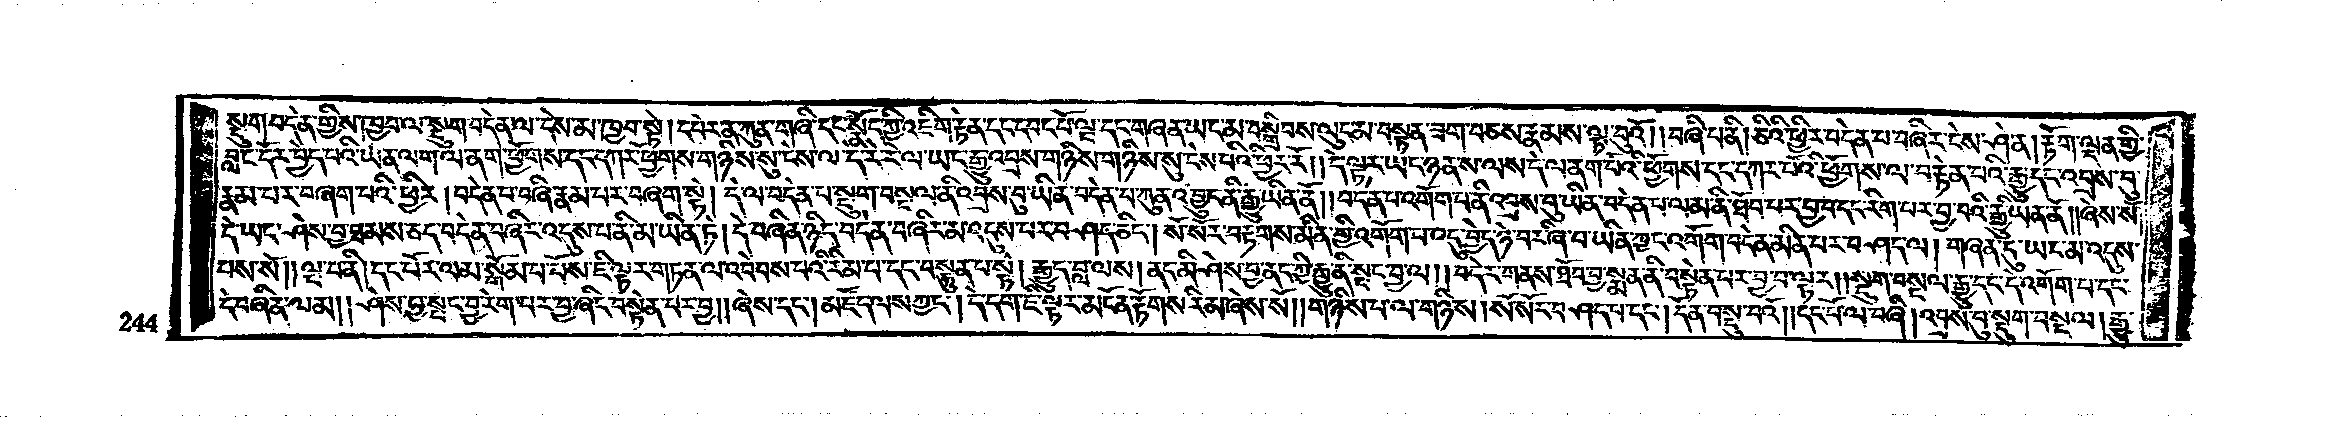སྡུག་བདེན་གྱིས་ཁྱབ་ལ་སྡུག་བདེན་ལ་དེས་མ་ཁྱབ་སྟེ། དཔེར་ན་ཀུན་གཞི་དང་སྣོད་ཀྱི་འཇིག་རྟེན་དང་དབང་པོ་ལྔ་དང་གཞན་ཡང་མ་བསྒྲིབས་ལུང་མ་བསྟན་ཟག་བཅས་རྣམས་ལྟ་བུའོ། །བཞི་པ་ནི། ཅིའི་ཕྱིར་བདེན་པ་བཞིར་ངེས་ཤེ་ན། རྟོག་ལྡན་གྱི་
བླང་དོར་བྱེད་པའི་ཡན་ལག་ལ་ནག་ཕྱོགས་དང་དཀར་ཕྱོགས་གཉིས་སུ་ངེས་ལ་དེ་རེ་རེ་ལ་ཡང་རྒྱུ་འབྲས་གཉིས་གཉིས་སུ་ངེས་པའི་ཕྱིར་རོ། །དེ་ལྟར་ཡང་ཉན་ས་ལས་དེ་ལ་ནག་པོའི་ཕྱོགས་དང་དཀར་པོའི་ཕྱོགས་ལ་བརྟེན་པའི་རྒྱུ་དང་འབྲས་བུ་
རྣམ་པར་བཞག་པའི་ཕྱིར། བདེན་པ་བཞི་རྣམ་པར་བཞག་སྟེ། དེ་ལ་བདེན་པ་སྡུག་བསྔལ་ནི་འབྲས་བུ་ཡིན་བདེན་པ་ཀུན་འབྱུང་ནི་རྒྱུ་ཡིན་ནོ། །བདེན་པ་འགོག་པ་ནི་འབྲས་བུ་ཡིན་བདེན་པ་ལམ་ནི་ཐོབ་པར་བྱ་བ་དང་རིག་པར་བྱ་བའི་རྒྱུ་ཡིན་ནོ། །ཞེས་སོ།
དེ་ཡང་ཤེས་བྱ་ཐམས་ཅད་བདེན་བཞིར་འདུས་པ་ནི་མ་ཡིན་ཏེ། དེ་བཞིན་ཉིད་བདེན་བཞིར་མ་འདུས་པར་བཤད་ཅིང་། སོ་སོར་བརྟགས་མིན་གྱི་འགོག་པ་འདུ་བྱེད་ཉེ་བར་ཞི་བ་ཡིན་ཀྱང་འགོག་བདེན་མིན་པར་བཤད་ལ། གཞན་དུ་ཡང་མ་འདུས་
པས་སོ། །ལྔ་པ་ནི། དང་པོར་ལམ་སྒོམ་པ་པོས་ཇི་ལྟར་གཏན་ལ་འབེབས་པའི་རིམ་པ་དང་བསྟུན་པ་སྟེ། རྒྱུད་བླ་ལས། ནད་ནི་ཤེས་བྱ་ནད་ཀྱི་རྒྱུ་ནི་སྡང་བྱ་ལ། །བདེར་གནས་ཐོབ་བྱ་སྨན་ནི་བསྟེན་པར་བྱ་བ་ལྟར། །སྡུག་བསྔལ་རྒྱུ་དང་དེ་འགོག་པ་དང་
དེ་བཞིན་ལམ། །ཤེས་བྱ་སྤང་བྱ་རེག་པར་བྱ་ཞིང་བསྟེན་པར་བྱ། །ཞེས་དང་། མཛོད་ལས་ཀྱང་། དེ་དག་ཇི་ལྟར་མངོན་རྟོགས་རིམ་ཞེས་སོ། །གཉིས་པ་ལ་གཉིས། སོ་སོར་བཤད་པ་དང་། དོན་བསྡུ་བའོ། །དང་པོ་ལ་བཞི། འབྲས་བུ་སྡུག་བསྔལ། རྒྱུ་